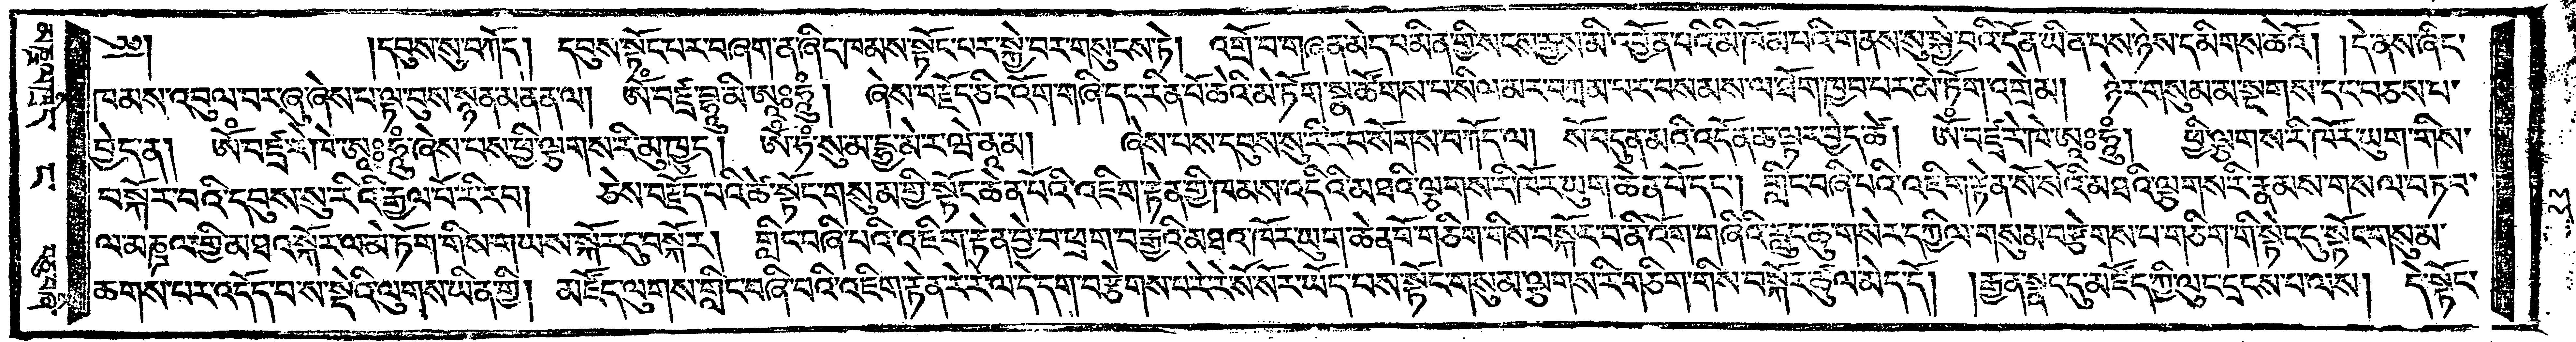༄༅། །དབུས་སུ་བཀོད། དབུས་སྟོང་པར་བཞག་ན་ཞིང་ཁམས་སྟོང་པར་སྐྱེ་བར་གསུངས་ཏེ། འགྲོ་བ་གཞན་མེད་པ་མིན་གྱི་སངས་རྒྱས་མི་འབྱོན་པའི་མི་ཁོམ་པའི་གནས་སུ་སྐྱེ་བའི་དོན་ཡིན་པས་ཉེས་དམིགས་ཆེའོ། །དེ་ནས་ཞིང་
ཁམས་འབུལ་བར་ཞུ་ཞེས་པ་ལྟ་བུས་སྙན་མནན་ལ། ཨོཾ་བཛྲ་བྷཱུ་མི་ཨཱཿཧཱུཾ། ཞེས་བརྗོད་ཅིང་འོག་གཞི་དང་རིན་པོ་ཆེའི་མེ་ཏོག་སྣ་ཚོགས་པ་སིལ་མར་བཀྲམ་བར་བསམས་ལ་ཐོག་ཁྱབ་པར་མེ་ཏོག་འགྲེམ། ཉེར་གསུམ་མ་སྔགས་དང་བཅས་པ་
བྱེད་ན། ཨོཾ་བཛྲ་རེ་ཁེ་ཨཱཿཧཱུཾ་ཞེས་པས་ཕྱི་ལྕགས་རི་མུ་ཁྱུད། ཨོཾ་ཧྭཾ་སུམ་དྷྱ་མེར་ཝེནཱ་མ། ཞེས་པས་དབུས་སུ་རི་རབ་སོགས་བཀོད་ལ། སོ་བདུན་མའི་འདོན་ཆ་ལྟར་བྱེད་ཚེ། ཨོཾ་བཛྲ་རེ་ཁེ་ཨཱཿཧཱུཾ། ཕྱི་ལྕགས་རི་ཁོར་ཡུག་གིས་
བསྐོར་བའི་དབུས་སུ་རིའི་རྒྱལ་པོ་རི་རབ། ཅེས་བརྗོད་བའི་ཚེ་སྟོང་གསུམ་གྱི་སྟོང་ཆེན་པོའི་འཇིག་རྟེན་གྱི་ཁམས་འདིའི་མཐའི་ལྕགས་རི་ཁོར་ཡུག་ཆེན་པོ་དང་། གླིང་བཞི་པའི་འཇིག་རྟེན་སོ་སོའི་མཐའི་ལྕགས་རི་རྣམས་གསལ་བཏབ་
ལ་མཎྜལ་གྱི་མཐའ་སྐོར་ལ་མེ་ཏོག་གིས་གཡས་སྒོར་དུ་བསྐོར། གླིང་བཞི་པའི་འཇིག་རྟེན་བྱེ་བ་ཕྲག་བརྒྱའི་མཐའ་ཁོར་ཡུག་ཆེན་པོ་གཅིག་གིས་བསྐོང་བ་ནི་འོག་གཞིའི་རླུང་ཆུ་གསེར་དཀྱིལ་གསུམ་བརྩེགས་པ་གཅིག་གི་སྟེང་དུ་སྟོང་གསུམ་
ཆགས་པར་འདོད་པ་ས་སྡེའི་ལུགས་ཡིན་གྱི། མཛོད་ལུགས་གླིང་བཞི་པའི་འཇིག་རྟེན་རེ་རེ་ལ་དེ་དག་བརྩེགས་བྲེ་རེ་སོ་སོར་ཡོད་པས་སྟོང་གསུམ་ལྕགས་རི་གཅིག་གིས་བསྐོར་ཚུལ་མེད་དོ། །རྒྱན་སྣང་དུ་མཛོད་ཀྱི་ལུང་དྲངས་བ་ལས། དེ་སྟོང་